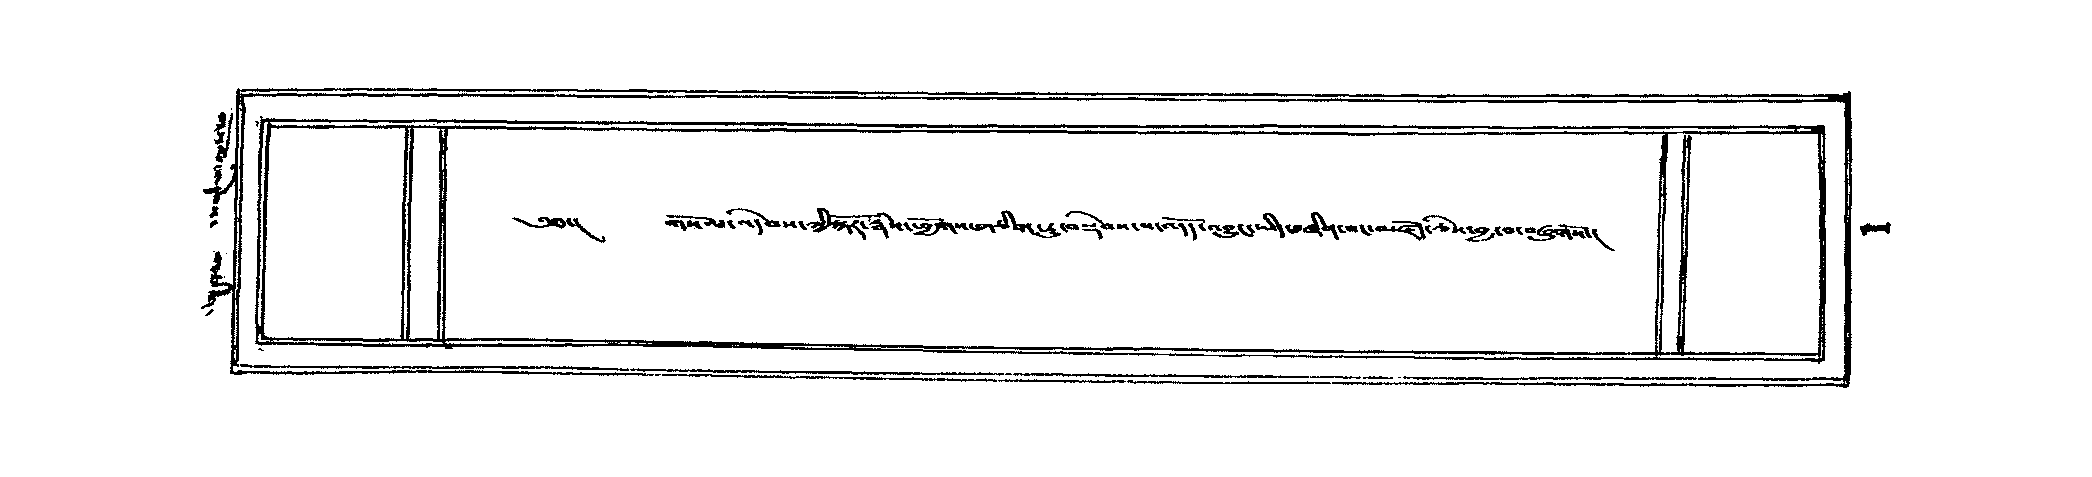༄༅། གསོལ་འདེབས་ཀྱི་སྐོར་རྣམས་ཕྱོགས་གཅིག་ཏུ་བསྡེབས་པ་འདོད་འབྱུང་ཡིད་བཞིན་བང་མཛོད་ཅེས་བྱ་བ་བཞུགས་སོ།